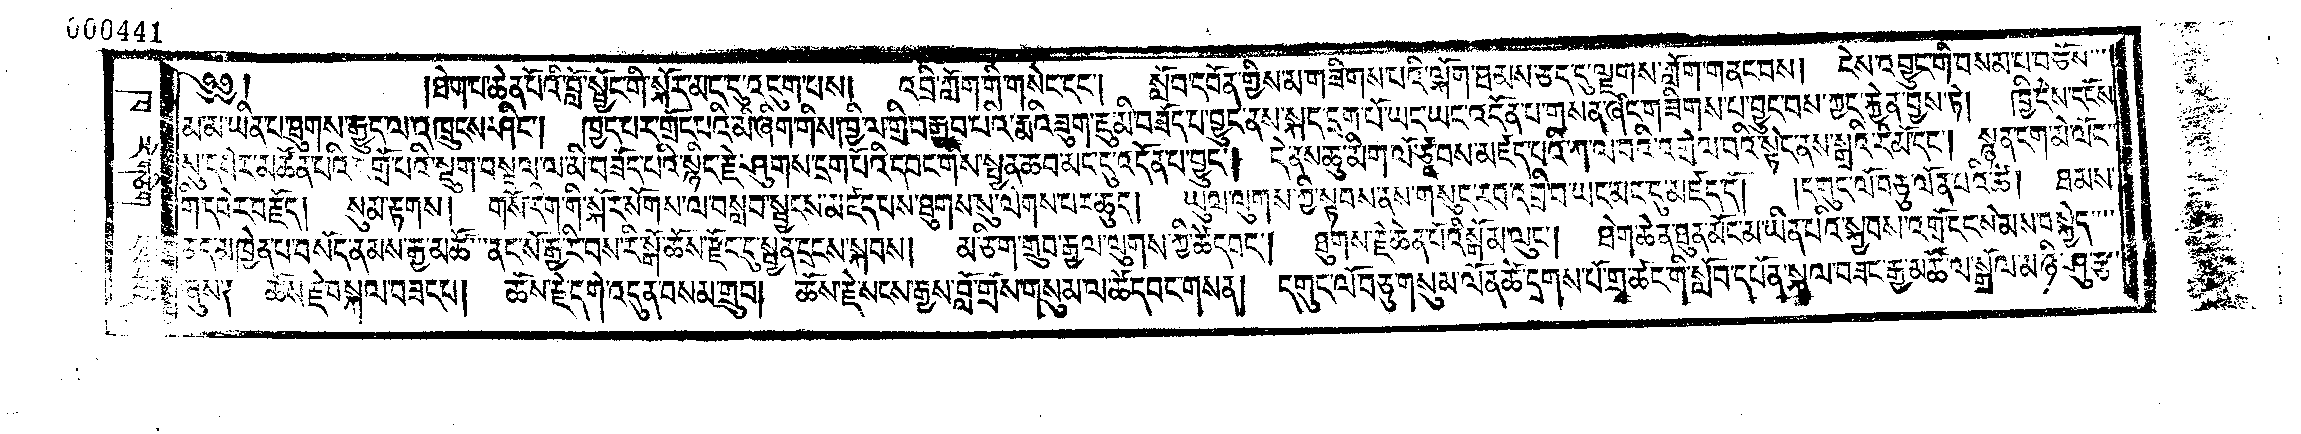༄༅། །ཐེག་པ་ཆེན་པོའི་བློ་སྦྱོང་གི་སྐོར་མང་དུ་འདུག་པས། འབྲི་ཀློག་གི་གསེང་དང་། སློབ་དཔོན་གྱིས་མ་གཟིགས་པའི་ལྐོག་ཐམས་ཅད་དུ་ལྗགས་ལྐོག་གནང་བས། ངེས་འབྱུང་གི་བསམ་པ་བཅོས་
མ་མ་ཡིན་པ་ཐུགས་རྒྱུད་ལ་འཁྲུངས་ཤིང་། ཁྱད་པར་གྲོང་བའི་མི་ཞིག་གིས་ཁྱི་ལ་གྲི་བརྒྱབ་པའི་རྨའི་ཟུག་རྡུ་མི་བཟོད་པ་བྱུང་ནས་སྐད་དྲག་པོ་ཡང་ཡང་འདོན་པ་གསན་ཞིང་གཟིགས་པ་བྱུང་བས་ཀྱང་རྐྱེན་བྱས་ཏེ། ཁྱི་དེས་དངོས་
སུ་དཔེར་མཚོན་པའི་འགྲོ་བའི་སྡུག་བསྔལ་ལ་མི་བཟོད་པའི་སྙིང་རྗེ་ཤུགས་དྲག་པོའི་དབང་གིས་སྤྱན་ཆབ་མང་དུ་འདོན་པ་བྱུང་། དེ་ནས་ཆུ་མིག་ལོ་ཙཱ་བས་མཛད་པའི་ཀ་ལ་བའི་འགྲེལ་བའི་སྟེང་ནས་སྒྲའི་རི་མོ་དང་། སྙན་ངག་མེ་ལོང་
གི་དཔེར་བརྗོད། སུམ་རྟགས། གསོ་རིག་གི་སྐོར་སོགས་ལ་བསླབ་སྦྱངས་མཛད་པས་ཐུགས་སུ་ལེགས་པར་ཆུད། ཡུལ་ལུགས་ཀྱི་སྟབས་ནས་གསུང་རབ་འབྲི་བ་ཡང་མང་དུ་མཛད་དོ། །དགུང་ལོ་བཅུ་ལོན་པའི་ཚེ། ཐམས་
ཅད་མཁྱེན་པ་བསོད་ནམས་རྒྱ་མཚོ་ནང་སོ་རྒྱ་རི་བས་རི་སྒོ་ཆོས་རྫོང་དུ་སྤྱན་དྲངས་སྐབས། མ་ཅིག་གྲུབ་རྒྱལ་ལུགས་ཀྱི་ཚེ་དབང་། ཐུགས་རྗེ་ཆེན་པོའི་སྒོམ་ལུང་། ཐེག་ཆེན་ཐུན་མོང་མ་ཡིན་པའི་སྐྱབས་འགྲོ་དང་སེམས་བསྐྱེད་
ཞུས༑ ཆོས་རྗེ་བསྐལ་བཟང་པ། ཆོས་རྗེ་དགེ་འདུན་བསམ་གྲུབ། ཆོས་རྗེ་སངས་རྒྱས་བློ་གྲོས་གསུམ་ལ་ཚེ་དབང་གསན། དགུང་ལོ་བཅུ་གསུམ་ལོན་ཚེ་དྲགས་པོ་གྲྭ་ཚང་གི་སློབ་དཔོན་སྐལ་བཟང་རྒྱ་མཚོ་ལ་སྒྲོལ་མ་ཉི་ཤུ་རྩ་